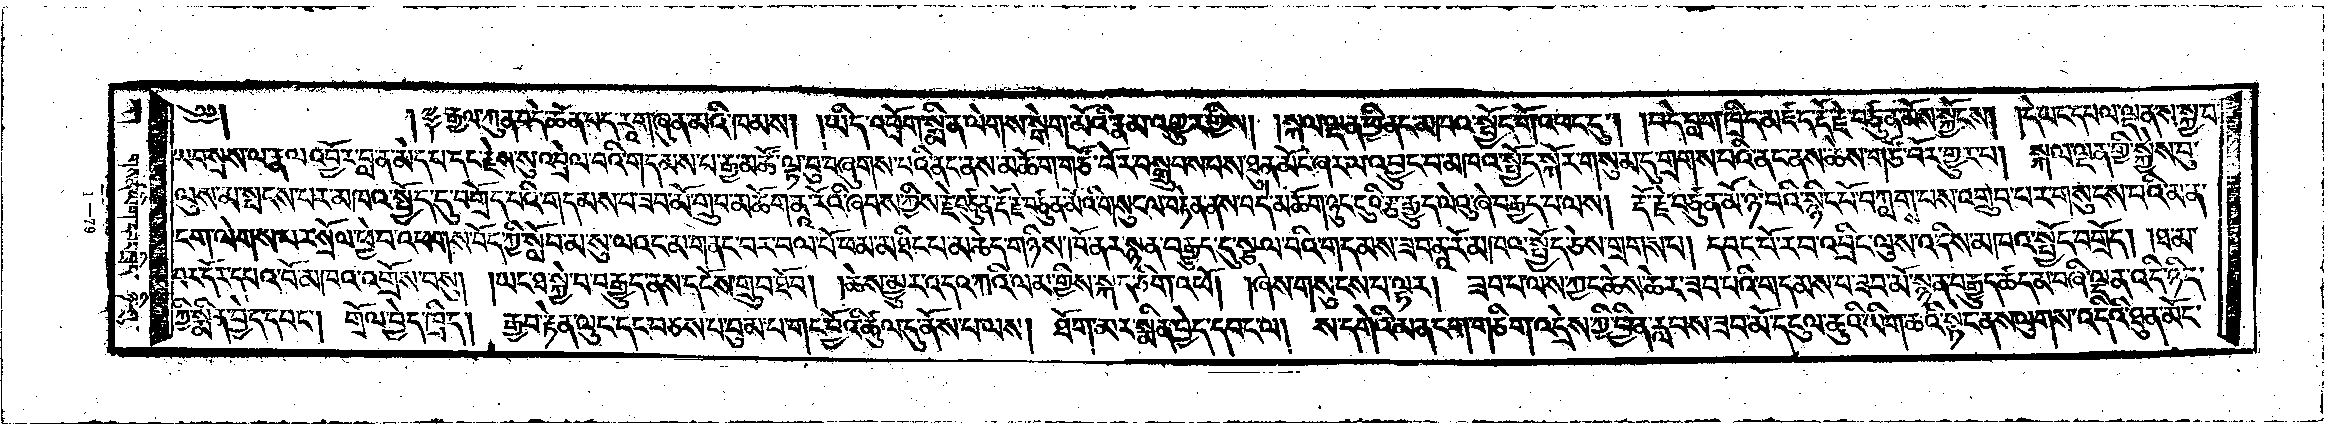༄༅། །༈ རྒྱལ་ཀུན་བདེ་ཆེན་པད་རཱག་ཞུན་མའི་ཁམས། །ཡིད་འཕྲོག་སྨིན་ལེགས་སྒེག་མོའི་རྣམ་འགྱུར་གྱིས། །སྐལ་ལྡན་ཕྱི་ནང་མཁའ་སྤྱོད་གོ་འཕང་དུ། །བདེ་བླག་ཁྲིད་མཛད་རྡོ་རྗེ་བཙུན་མོས་སྐྱོངས། །དེ་ཡང་དཔལ་ལྡན་ས་སྐྱ་བ་
ཡབ་སྲས་ལ་རྣལ་འབྱོར་བླ་ན་མེད་པ་དང་རྗེས་སུ་འབྲེལ་བའི་གདམས་པ་རྒྱ་མཚོ་ལྟ་བུ་བཞུགས་པའི་ནང་ནས་མཆོག་གཙོ་བོར་བསྒྲུབས་པས་ཐུན་མོང་ཞར་ལ་འབྱུང་བ་མཁའ་སྤྱོད་སྐོར་གསུམ་དུ་གྲགས་པའི་ནང་ནས་ཆེས་གཙོ་བོར་གྱུར་པ། སྐལ་ལྡན་གྱི་སྐྱེས་བུ་
ལུས་མ་སྤངས་པར་མཁའ་སྤྱོད་དུ་བགྲོད་པའི་གདམས་པ་ཟབ་མོ་གྲུབ་མཆོག་ནཱ་རོའི་ཞབས་ཀྱིས་རྗེ་བཙུན་རྡོ་རྗེ་བཙུན་མོའི་གསུང་ལ་བརྟེན་ནས་བདེ་མཆོག་ཉུང་ངུའི་རྩ་རྒྱུད་ལེའུ་ཞེ་བརྒྱད་པ་ལས། རྡོ་རྗེ་བཙུན་མོ་ཉེ་བའི་སྙིང་པོ་བཀླགས་པས་འགྲུབ་པར་གསུངས་པའི་མན་
ངག་ལེགས་པར་སྲོལ་ཕྱེ་བ་འཕགས་བོད་ཀྱི་སློབ་མ་སུ་ལའང་མ་གནང་བར་བལ་པོ་ཕམ་མཐིང་པ་མཆེད་གཉིས་ཁོ་ནར་སྙན་བརྒྱུད་དུ་སྩལ་བའི་གདམས་ཟབ་ནཱ་རོ་མཁའ་སྤྱོད་ཅེས་གྲང་པ། དབང་པོ་རབ་འབྲིང་ལུས་འདིས་མཁའ་སྤྱོད་བགྲོད། །ཐ་མ་
བར་དོར་དཔའ་བོ་མཁའ་འགྲོས་བསུ། །ཡང་ཐ་སྐྱེ་བ་བརྒྱུད་ནས་དངོས་གྲུབ་ཐོབ། །ཆེས་མྱུར་འདའ་ཀའི་ལམ་གྱིས་སྐད་ཅིག་འཕོ། །ཞེས་གསུངས་པ་ལྟར། ཟབ་པ་ལ་ཀྱང་ཆེས་ཆེར་ཟབ་པའི་གདམས་པ་ཟབ་མོ་སྙན་བརྒྱུད་ཚད་མ་བཞི་ལྡན་འདི་ཉིད་
ཀྱི་སྨིན་བྱེད་དབང་། གྲོལ་བྱེད་ཁྲིད། རྒྱབ་རྟེན་ལུང་དང་བཅས་པ་བུམ་པ་གང་བྱོའི་ཚུལ་དུ་ནོས་པ་ལས། ཐོག་མར་སྨིན་བྱེད་དབང་ལ། ས་དགེའི་མན་ངག་གཅིག་འདྲེས་ཀྱི་བྱིན་རླབས་ཟབ་མོ་དངུལ་ཆུའི་ཡིག་ཆའི་སྟེང་ནས་ལུགས་འདིའི་ཐུན་མོང་